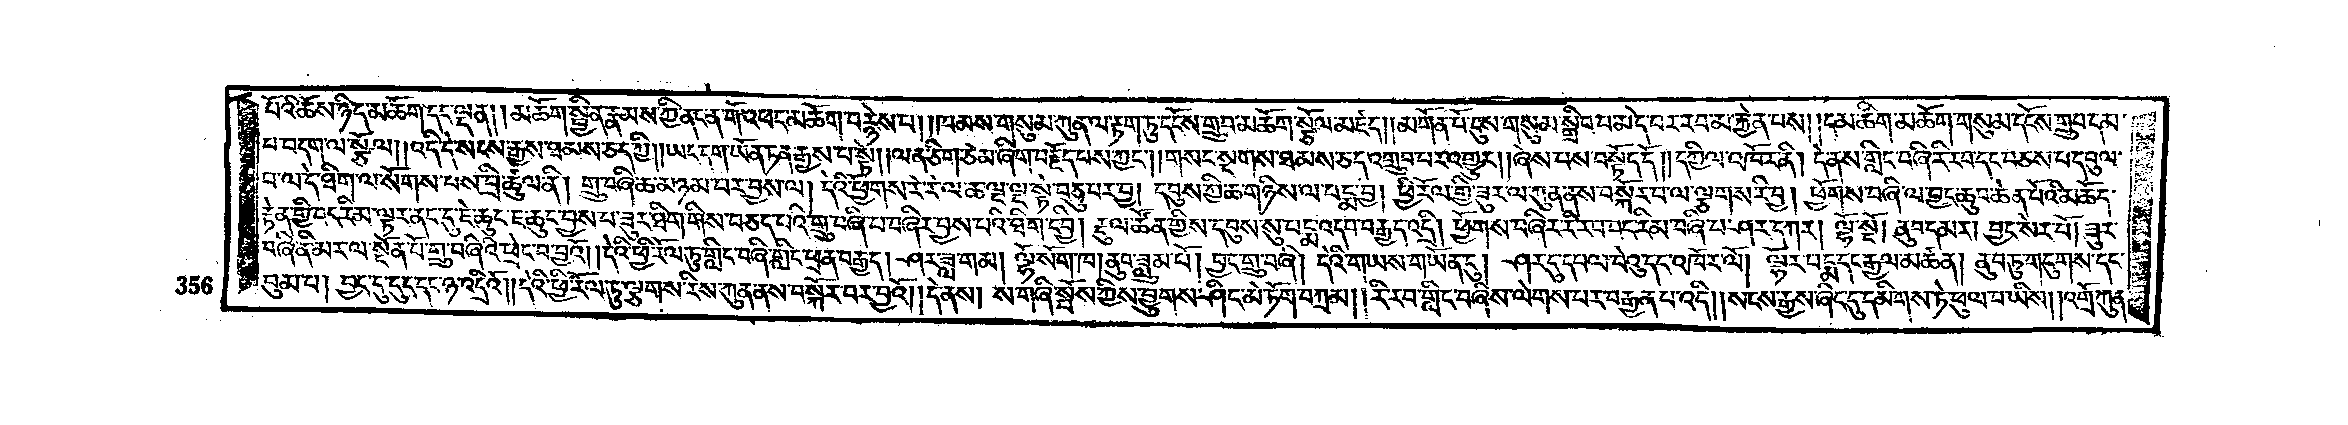པོའི་ཆོས་ཉིད་མཆོག་དང་ལྡན། །མཆོག་སྦྱིན་རྣམས་ཀྱི་ནང་ན་གོ་འཕང་མཆོག་བརྙེས་པ། །ཁམས་གསུམ་ཀུན་ལ་རྟག་ཏུ་དངོས་གྲུབ་མཆོག་སྩོལ་མཛད། །མགོན་པོ་དུས་གསུམ་སྒྲིབ་པ་མེད་པར་རབ་མཁྱེན་པས། །དམ་ཚིག་མཆོག་གསུམ་དངོས་གྲུབ་དམ་
པ་བདག་ལ་སྩོལ། །འདི་དེ་སངས་རྒྱས་ཐམས་ཅད་ཀྱི། །ཡང་དག་ཡོན་ཏན་རྒྱས་པ་སྟེ། །ལན་ཅིག་ཙམ་ཞིག་བརྗོད་པས་ཀྱང་། །གསང་སྔགས་ཐམས་ཅད་འགྲུབ་པར་འགྱུར། །ཞེས་པས་བསྟོད་དོ། །དཀྱིལ་འཁོར་ནི། དེ་ནས་གླིང་བཞི་རི་རབ་དང་བཅས་པ་དབུལ་
བ་ལ་དེ་ཐིག་ལ་སོགས་པས་བྲི་ཚུལ་ནི། གྲུ་བཞི་ཆ་མཉམ་པར་བྱས་ལ། དེའི་ཕྱོགས་རེ་རེ་ལ་ཆ་ལྔ་ལྔ་སྟེ་བཅུ་པར་བྱ། དབུས་ཀྱི་ཆ་གཉིས་ལ་པདམ་བྱ། ཕྱི་རོལ་གྱི་ཟུར་ལ་ཀུན་ནས་བསྐོར་བ་ལ་ལྕགས་རི་བྱ། ཕྱོགས་བཞི་ལ་བྱང་ཆུབ་ཆེན་པོའི་མཆོད་
རྟེན་གྱི་བང་རིམ་ལྟར་ནང་དུ་ཇེ་ཆུང་ཇེ་ཆུང་བྱས་པ་ཟུར་ཐིག་གིས་བཅད་པའི་གྲུ་བཞི་པ་བཞིར་བྱས་པའི་ཐིག་དབྱི། རྡུལ་ཚོན་གྱིས་དབུས་སུ་པདམ་འདབ་བརྒྱད་འདྲི། ཕྱོགས་བཞིར་རི་རབ་བང་རིམ་བཞི་པ་ཤར་དཀར། ལྷོ་སྔོ། ནུབ་དམར། བྱང་སེར་པོ། ཟུར་
བཞི་ནི་མར་ལ་སྔོན་པོ་གྲུ་བཞིའི་ཕྲེང་བ་བྱའོ། །དེའི་ཕྱི་རོལ་ཏུ་གླིང་བཞི་གླིང་ཕྲན་བརྒྱད། ཤར་ཟླ་གམ། ལྷོ་སོག་ཁ། ནུབ་ཟླུམ་པོ། བྱང་གྲུ་བཞི། དེའི་གཡས་གཡོན་དུ། ཤར་དུ་དཔལ་བེའུ་དང་འཁོར་ལོ། ལྷོར་པདམ་དང་རྒྱལ་མཚན། ནུབ་ཏུ་གདུགས་དང་
བུམ་པ། བྱང་དུ་དུད་དང་ཉ་འདྲིའོ། །དེའི་ཕྱི་རོལ་ཏུ་ལྕགས་རིས་ཀུན་ནས་བསྐོར་བར་བྱའོ། །དེ་ནས། ས་གཞི་སྤོས་ཀྱིས་བྱུགས་ཤིང་མེ་ཏོག་བཀྲམ། །རི་རབ་གླིང་བཞིས་ལེགས་པར་བརྒྱན་པ་འདི། །སངས་རྒྱས་ཞིང་དུ་དམིགས་ཏེ་ཕུལ་བ་ཡིས། །འགྲོ་ཀུན་